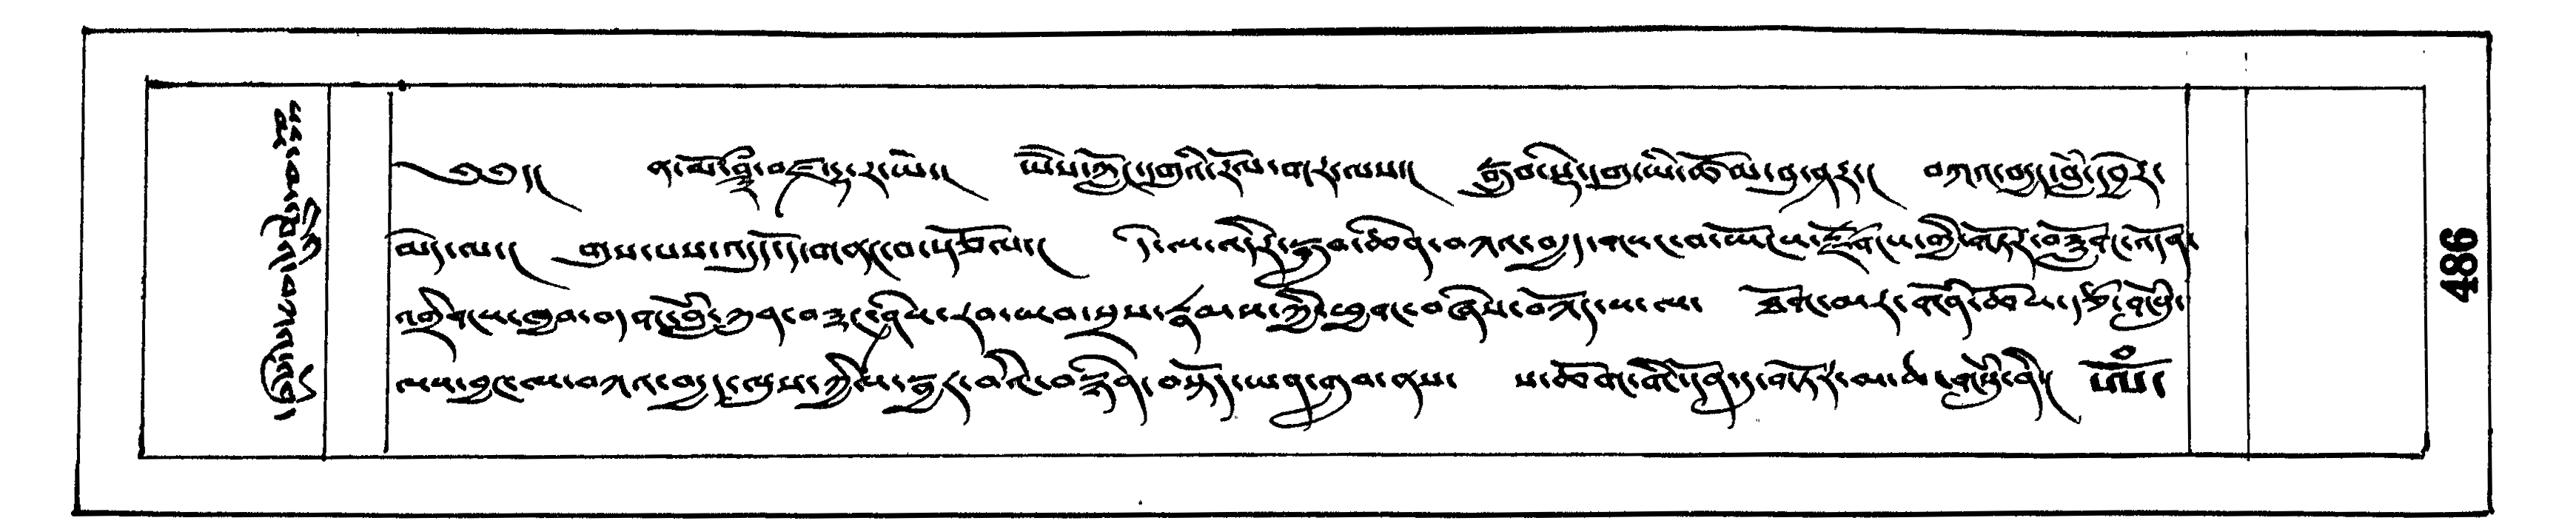༄༅། ན་མོ་ཤྲི་བཛྲ་དྷ་ར་ཡེ། ཡེ་ཤེས་ཀློང་དགུའི་རོལ་གར་ལས། སྒྲུབ་སྡེ་དགུ་ཡི་ཚོམ་བུ་ཤར། །བཀའ་བརྒྱད་བླ་མ་དབྱེར་
མེད་ལ། །གུས་པས་འདུད་དོ་གནང་བ་སྩོལ། དེ་ལ་འདིར་སྒྲུབ་ཆེན་བཀའ་བརྒྱད་གསང་བ་ཡོངས་རྫོགས་ཀྱི་གཏོར་བཟློག་འདོན་
འགྲིགས་ཁྱབ་བདག་བླ་མ་ཀུན་བཟང་ཤེས་རབ་ཡབ་སྲས་རྣམས་ཀྱི་ཕྱག་བཞེས་ལྟར་འགོད་པ་ལ། ཐོག་མར་གནམ་ཆོས་རྩ་གསུམ་
ལས་བྱང་ལ་བཀའ་བརྒྱད་ལུས་དཀྱིལ་སྦྱར་བའི་བསྙེན་བསྟོད་ཡན་གྲུབ་ནས། ས་ཆོག་གི་དོན་དུ་གཏོར་མ་ཆ་གསུམ་ནི། ཨོཾ་